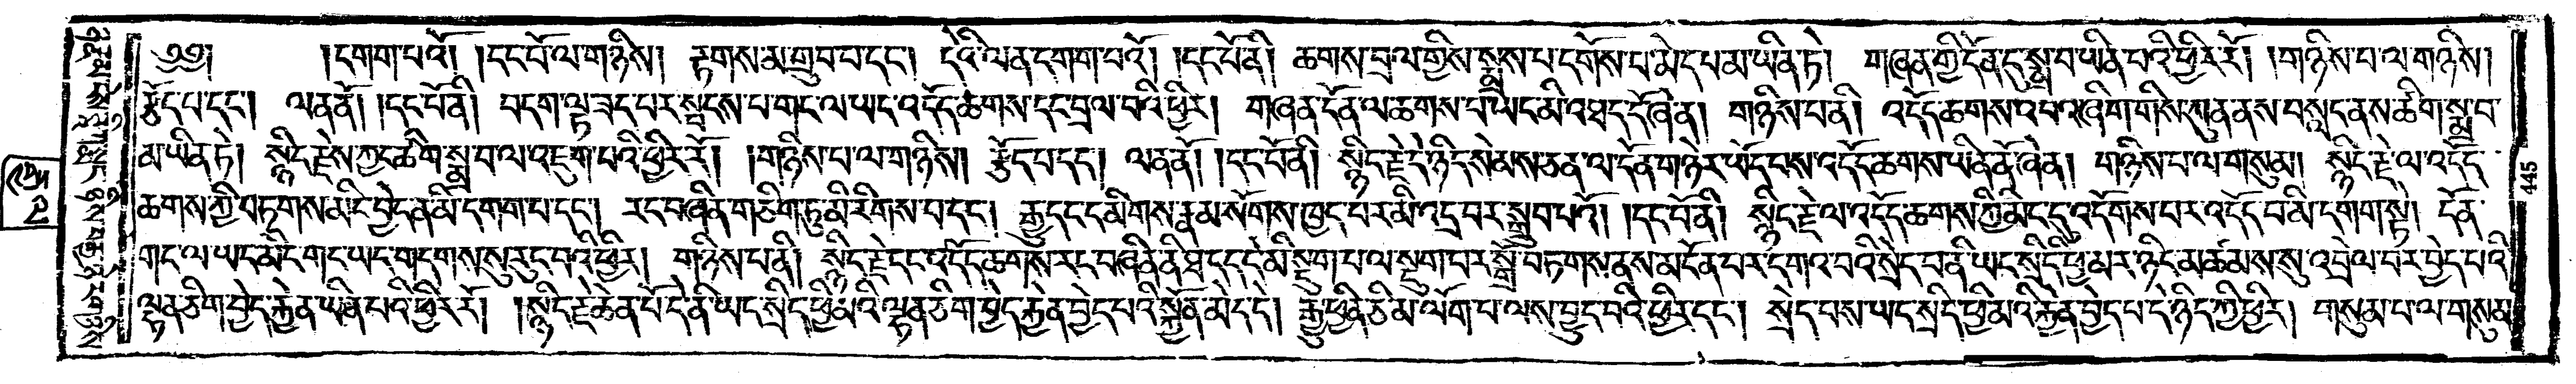༄༅། །དགག་པའོ། །དང་པོ་ལ་གཉིས། རྟགས་མ་གྲུབ་པ་དང་། དེའི་ལན་དགག་པའོ། །དང་པོ་ནི། ཆགས་བྲལ་གྱིས་སྨྲས་པ་དགོས་པ་མེད་པ་མ་ཡིན་ཏེ། གཞན་གྱི་དོན་དུ་སྨྲ་བ་ཡིན་པའི་ཕྱིར་རོ། །གཉིས་པ་ལ་གཉིས།
རྩོད་པ་དང་། ལན་ནོ། །དང་པོ་ནི། བདག་ལྟ་ཟད་པར་སྤངས་པ་གང་ལ་ཡང་འདོད་ཆགས་དང་བྲལ་བའི་ཕྱིར། གཞན་དོན་ལ་ཆགས་པ་ཡང་མི་འཐད་དོ་ཞེ་ན། གཉིས་པ་ནི། འདོད་ཆགས་འབའ་ཞིག་གིས་ཀུན་ནས་བསླང་ནས་ཚིག་སྨྲ་བ་
མ་ཡིན་ཏེ། སྙིང་རྗེས་ཀྱང་ཚིག་སྨྲ་བ་ལ་འཇུག་པའི་ཕྱིར་རོ། །གཉིས་པ་ལ་གཉིས། རྩོད་པ་དང་། ལན་ནོ། །དང་པོ་ནི། སྙིང་རྗེ་དེ་ཉིད་སེམས་ཅན་ལ་དོན་གཉེར་ཡོད་པས་འདོད་ཆགས་ཡིན་ནོ་ཞེ་ན། གཉིས་པ་ལ་གསུམ། སྙིང་རྗེ་ལ་འདོད་
ཆགས་ཀྱི་བཏགས་མིང་བྱེད་ན་མི་དགག་པ་དང་། རང་བཞིན་གཅིག་ཏུ་མི་རིགས་པ་དང་། རྒྱུ་དང་དམིགས་རྣམ་སོགས་ཁྱད་པར་མི་འདྲ་བར་སྒྲུབ་པའོ། །དང་པོ་ནི། སྙིང་རྗེ་ལ་འདོད་ཆགས་ཀྱི་མིང་དུ་འདོགས་པར་འདོད་བ་མི་དགག་སྟེ། དོན་
གང་ལ་ཡང་མིང་གང་ཡང་གདགས་སུ་རུང་བའི་ཕྱིར། གཉིས་པ་ནི། སྙིང་རྗེ་དང་འདོད་ཆགས་རང་བཞིན་ནི་ཐ་དད་དེ་མི་སྡུག་པ་ལ་སྡུག་པར་སྒྲོ་བཏགས་ནས་མངོན་པར་དགའ་བའི་སྲིད་པ་ནི་ཡང་སྲིད་ཕྱི་མར་ཉིད་མཚམས་སུ་འབྲེལ་བར་བྱེད་པའི་
ལྷན་ཅིག་བྱེད་རྐྱེན་ཡིན་པའི་ཕྱིར་རོ། །སྙིང་རྗེ་ཆེན་པོ་དེ་ནི་ཡང་སྲིད་ཕྱི་མའི་ལྷན་ཅིག་བྱེད་རྐྱེན་བྱེད་པའི་སྐྱོན་མེད་དེ། རྒྱུ་ཕྱིན་ཅི་མ་ལོག་པ་ལས་བྱུང་བའི་ཕྱིར་དང་། སྲེད་པས་ཡང་སྲིད་ཕྱི་མའི་རྐྱེན་བྱེད་པ་དེ་ཉིད་ཀྱི་ཕྱིར། གསུམ་པ་ལ་གསུམ་